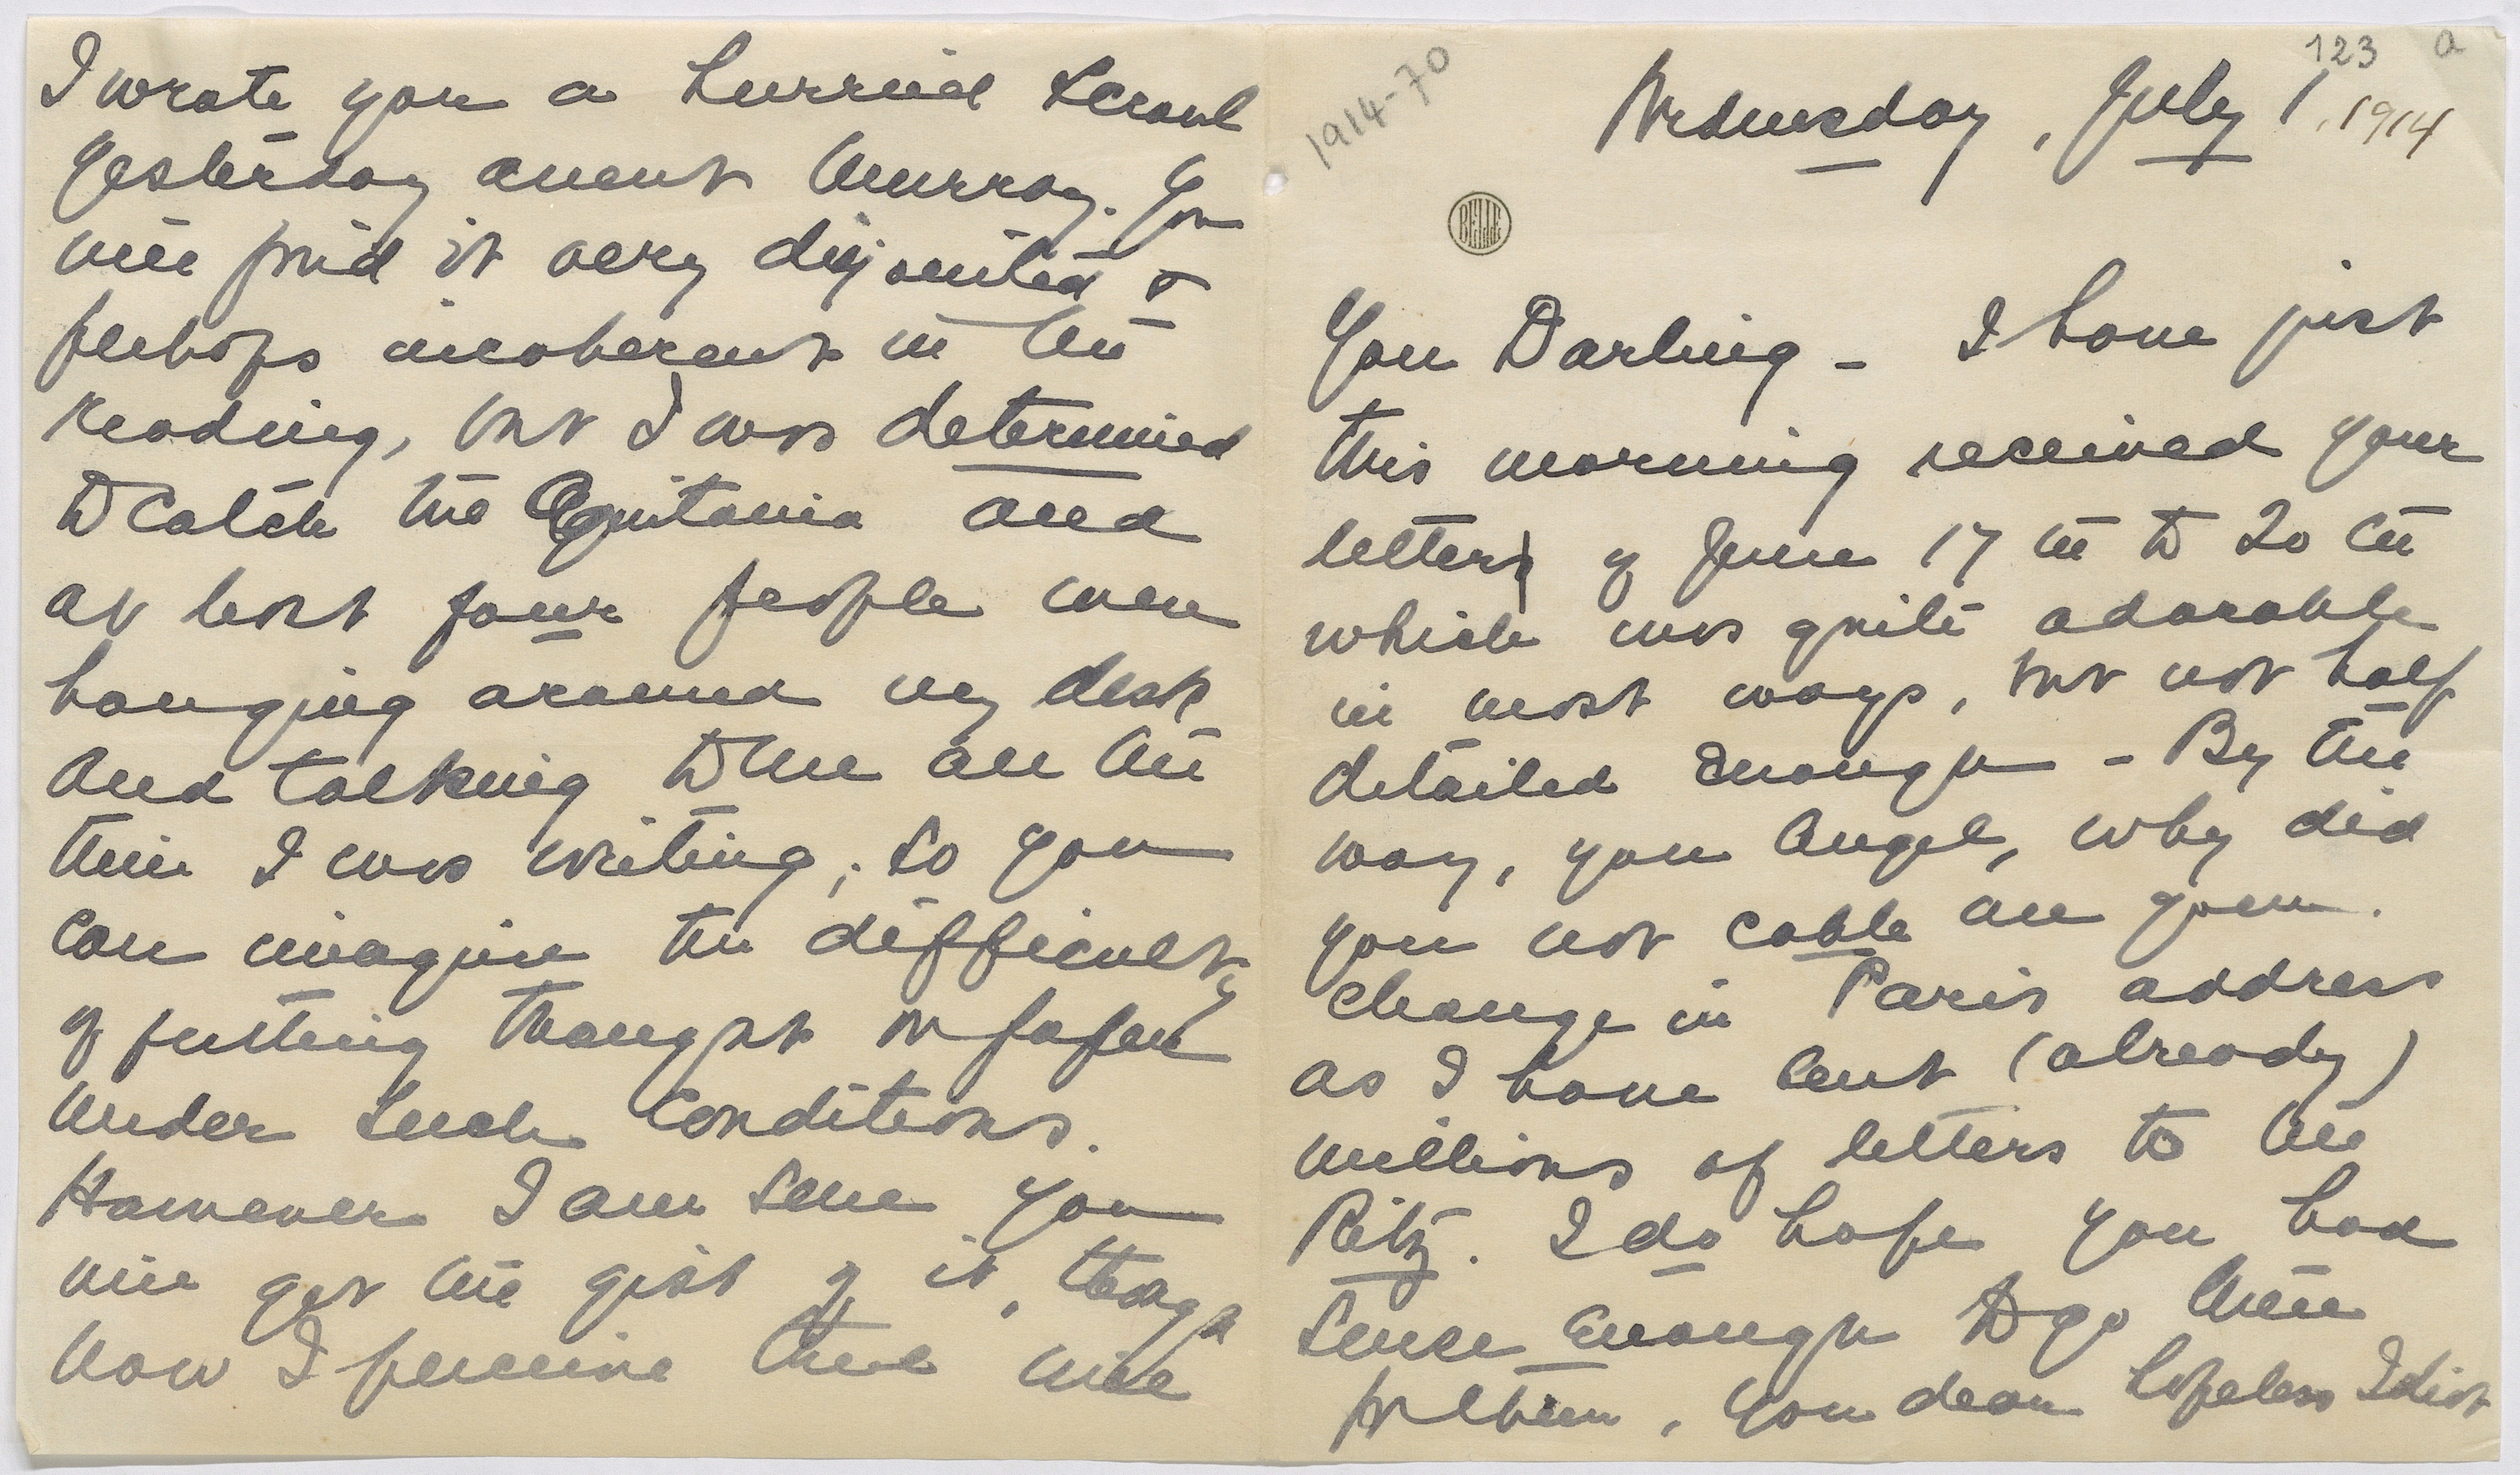Wednesday, July 1, 1914
You Darling – I have just this morning received your letters of June 17th to 20th which was quite adorable in most ways, but not half detailed enough – By the way, you Angel, why did you not cable me given change in Paris address as I have sent (already) millions of letters to the Ritz. I do hope you had sense enough to go for them. You dear hopeless idiot
I wrote you a hurried scrawl yesterday anent Murray. You will find it very disjointed & perhaps incoherent in the reading, but I was determined to catch the Aquitania and at least four people were hanging around my desk and talking to me all the time I was writing; so you can imagine the difficulty of putting thought on paper under such conditions. However I am sure you will get the gist of it, though now I perceive there will